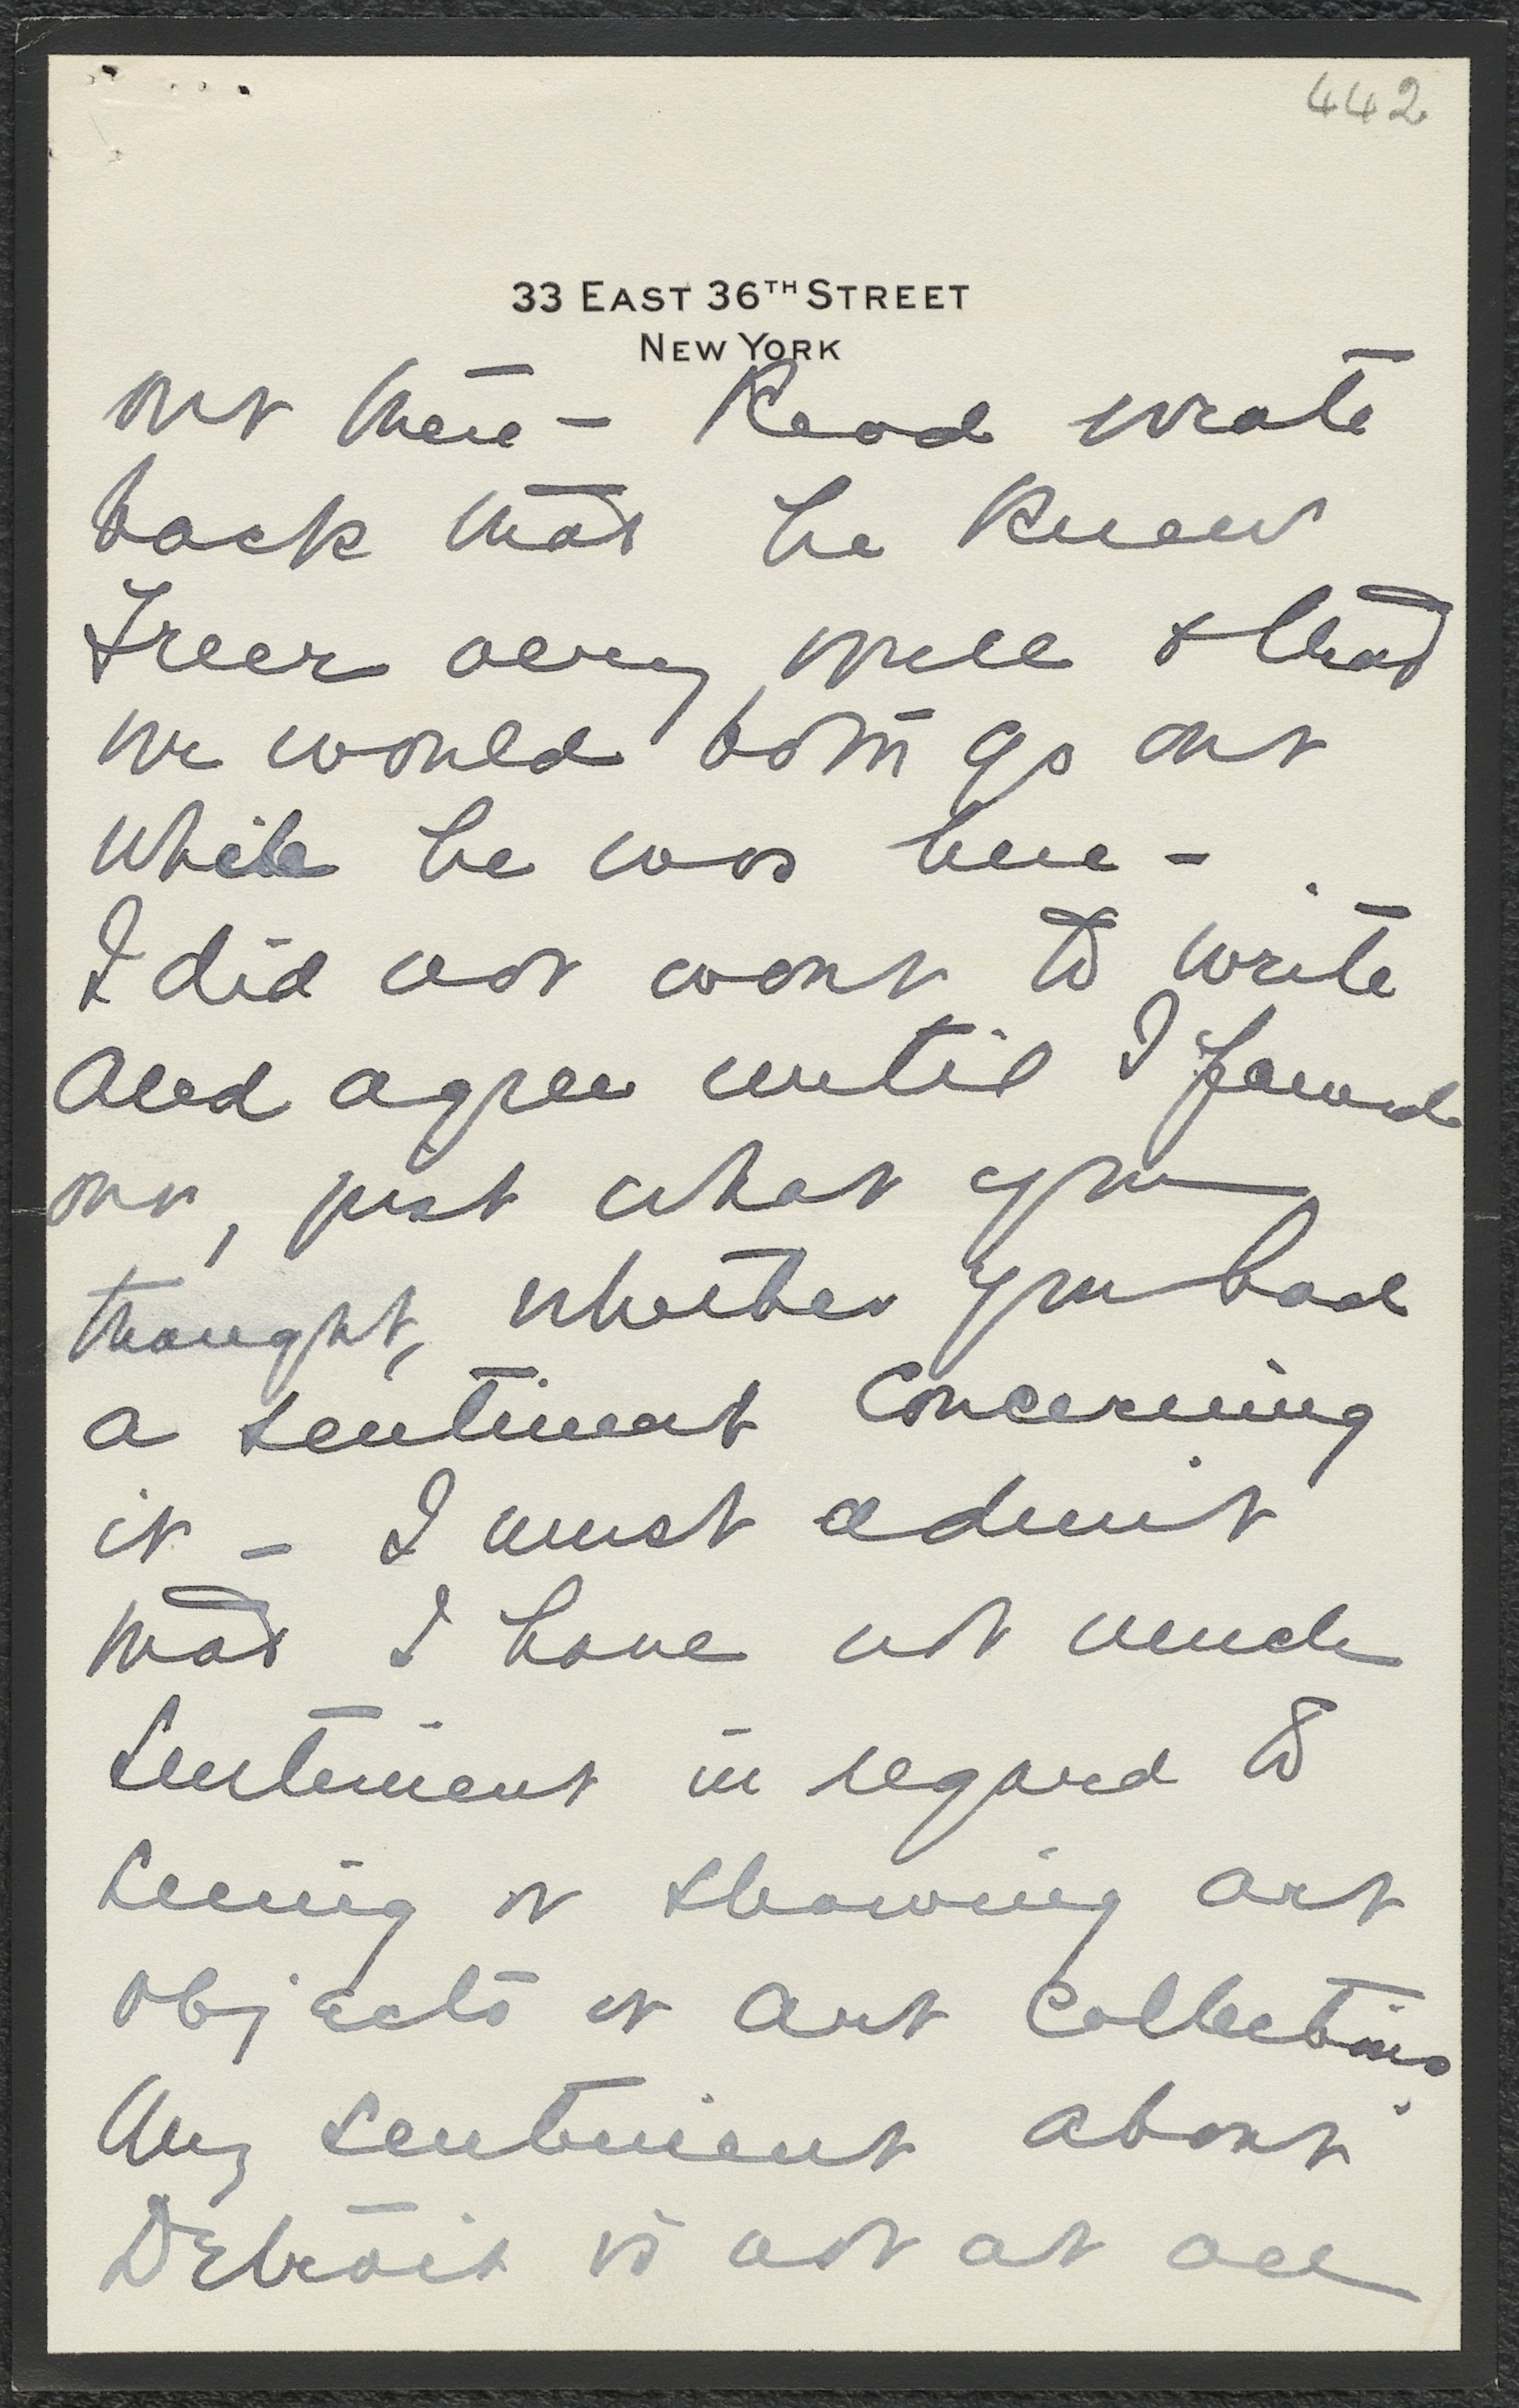out there – Read wrote back that he knew Freer very well & that we would both go out while he was here – I did not want to write and agree until I found out, just what you thought, whether you had a sentiment concerning it – I must admit that I have not much sentiment in regard to seeing or showing art objects or art collections. My sentiment about Detroit is not at all